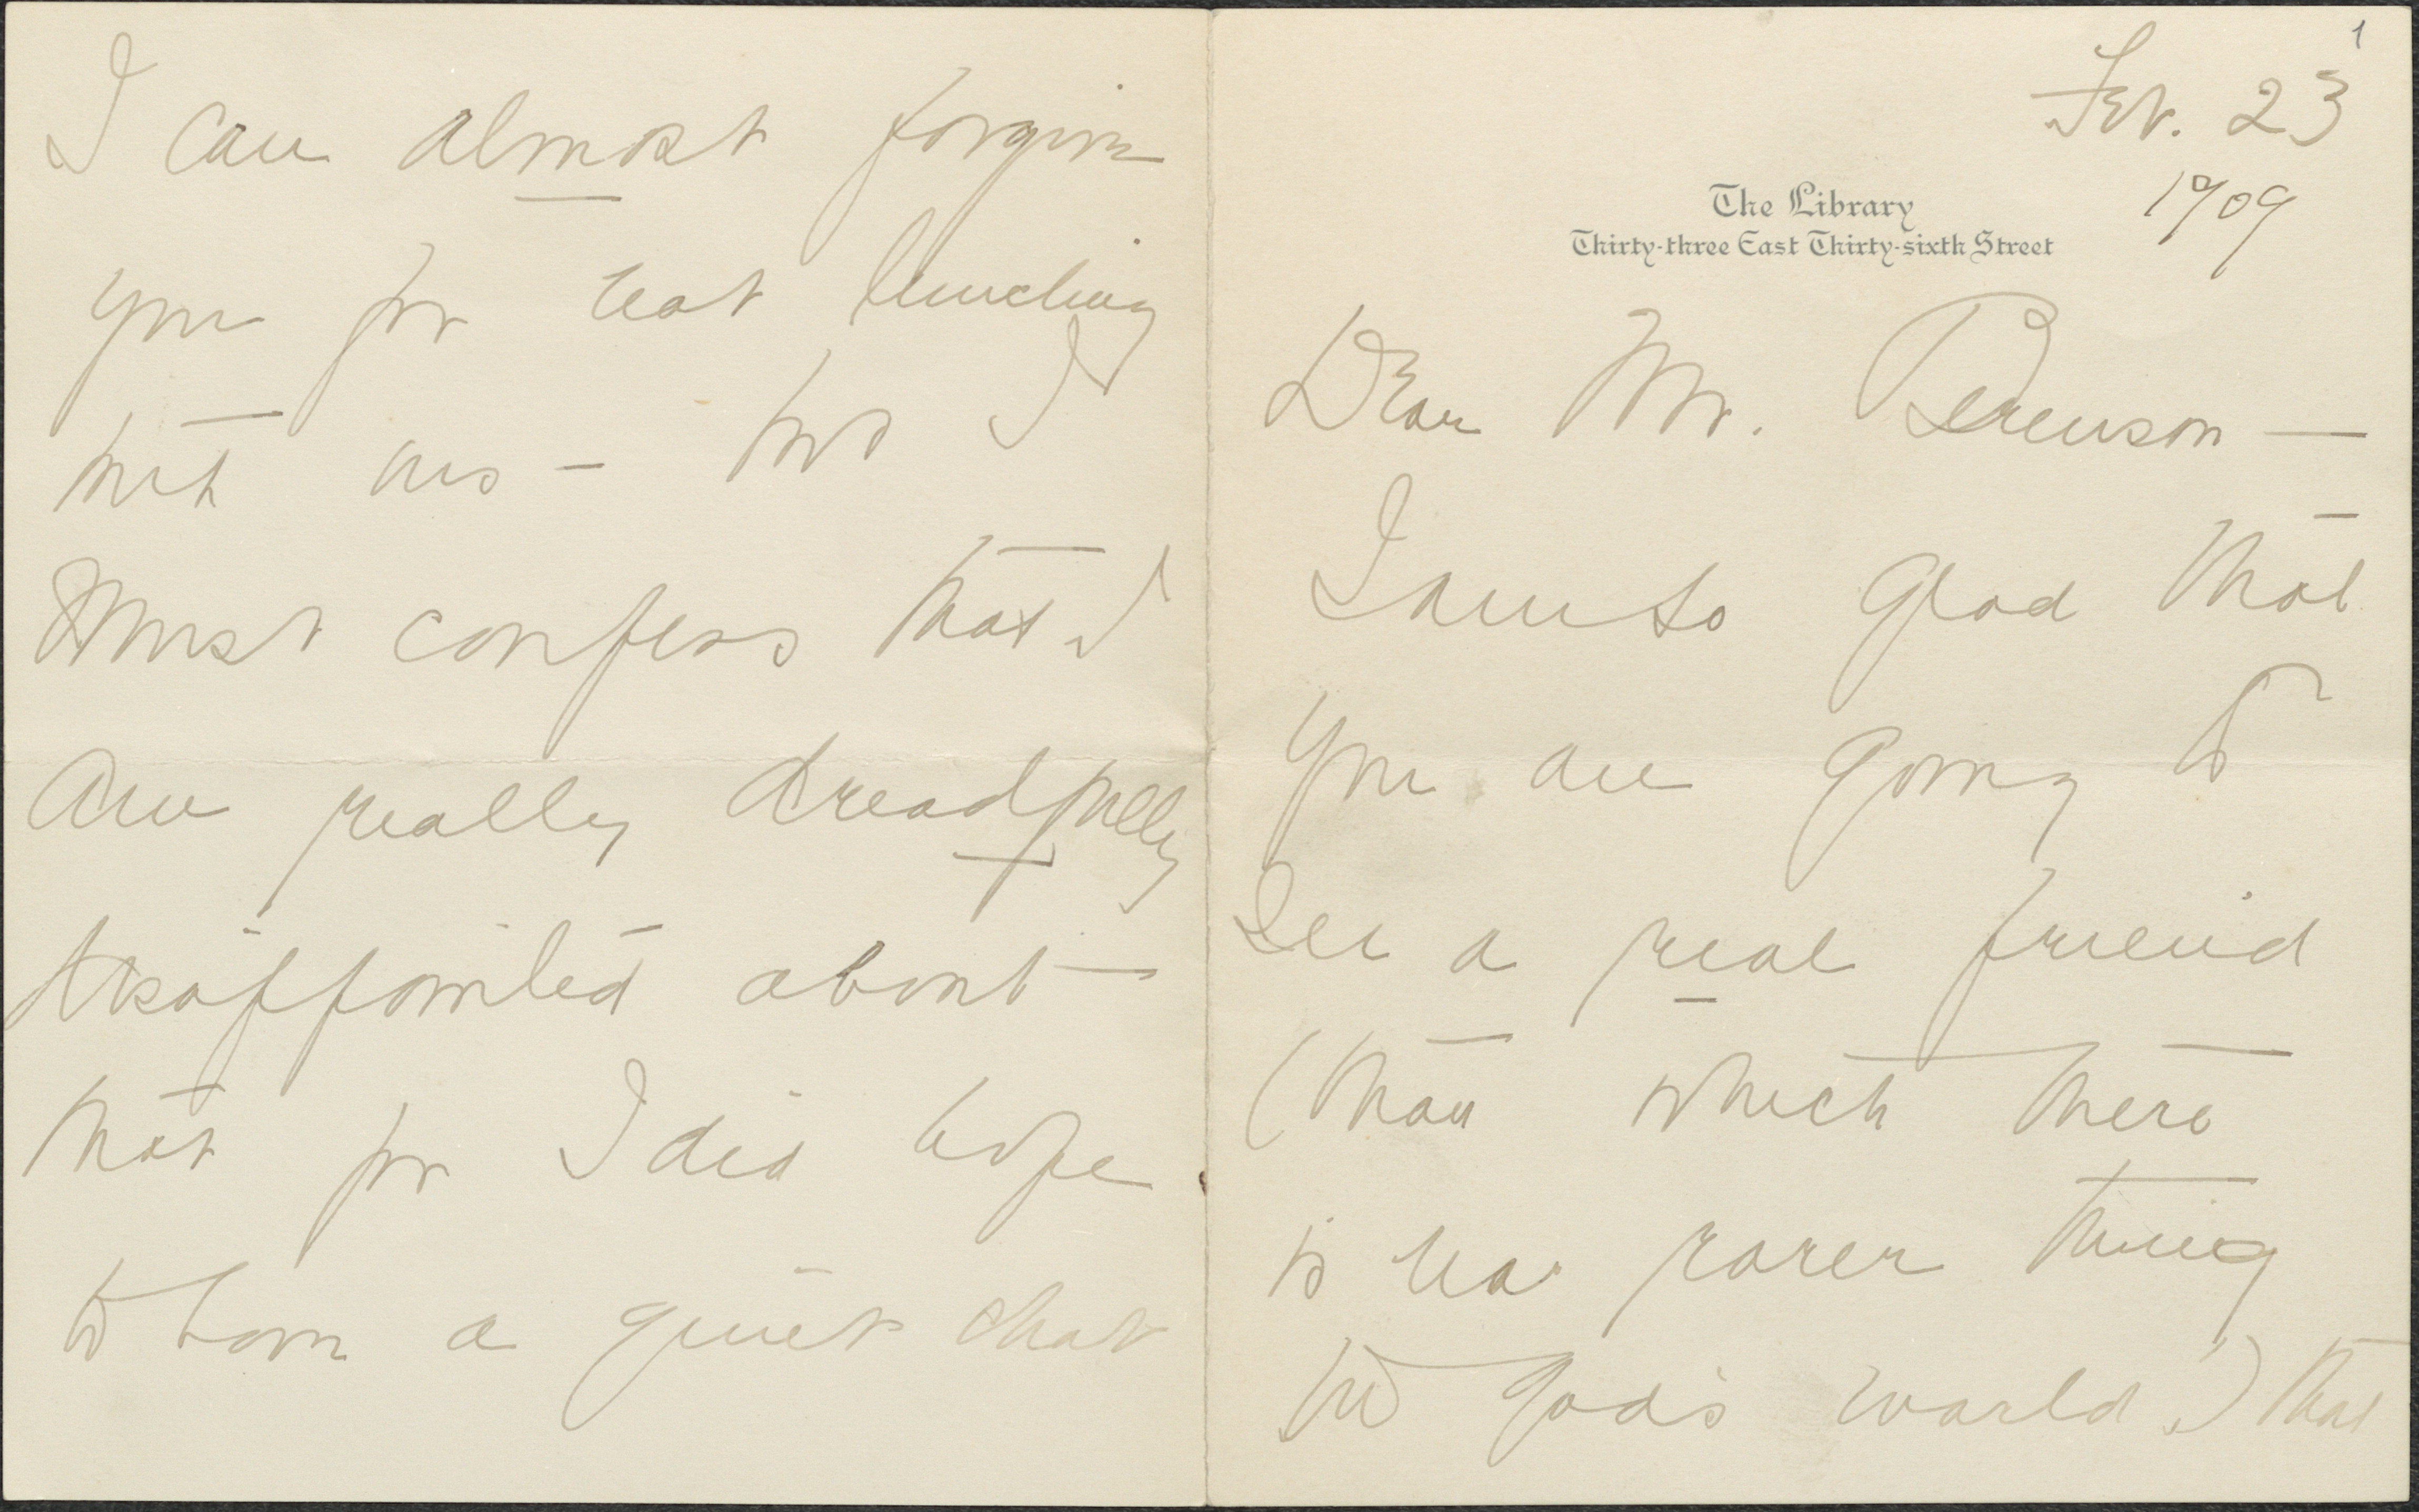Feb. 23
Dear Mr. Berenson –
I am so glad that you are going to be a real friend (than which there is no rarer thing in God’s world!) that
I can almost forgive you for not lunching with me – for I must confess that I am really dreadfully disappointed about that for I did hope to have a quiet chat